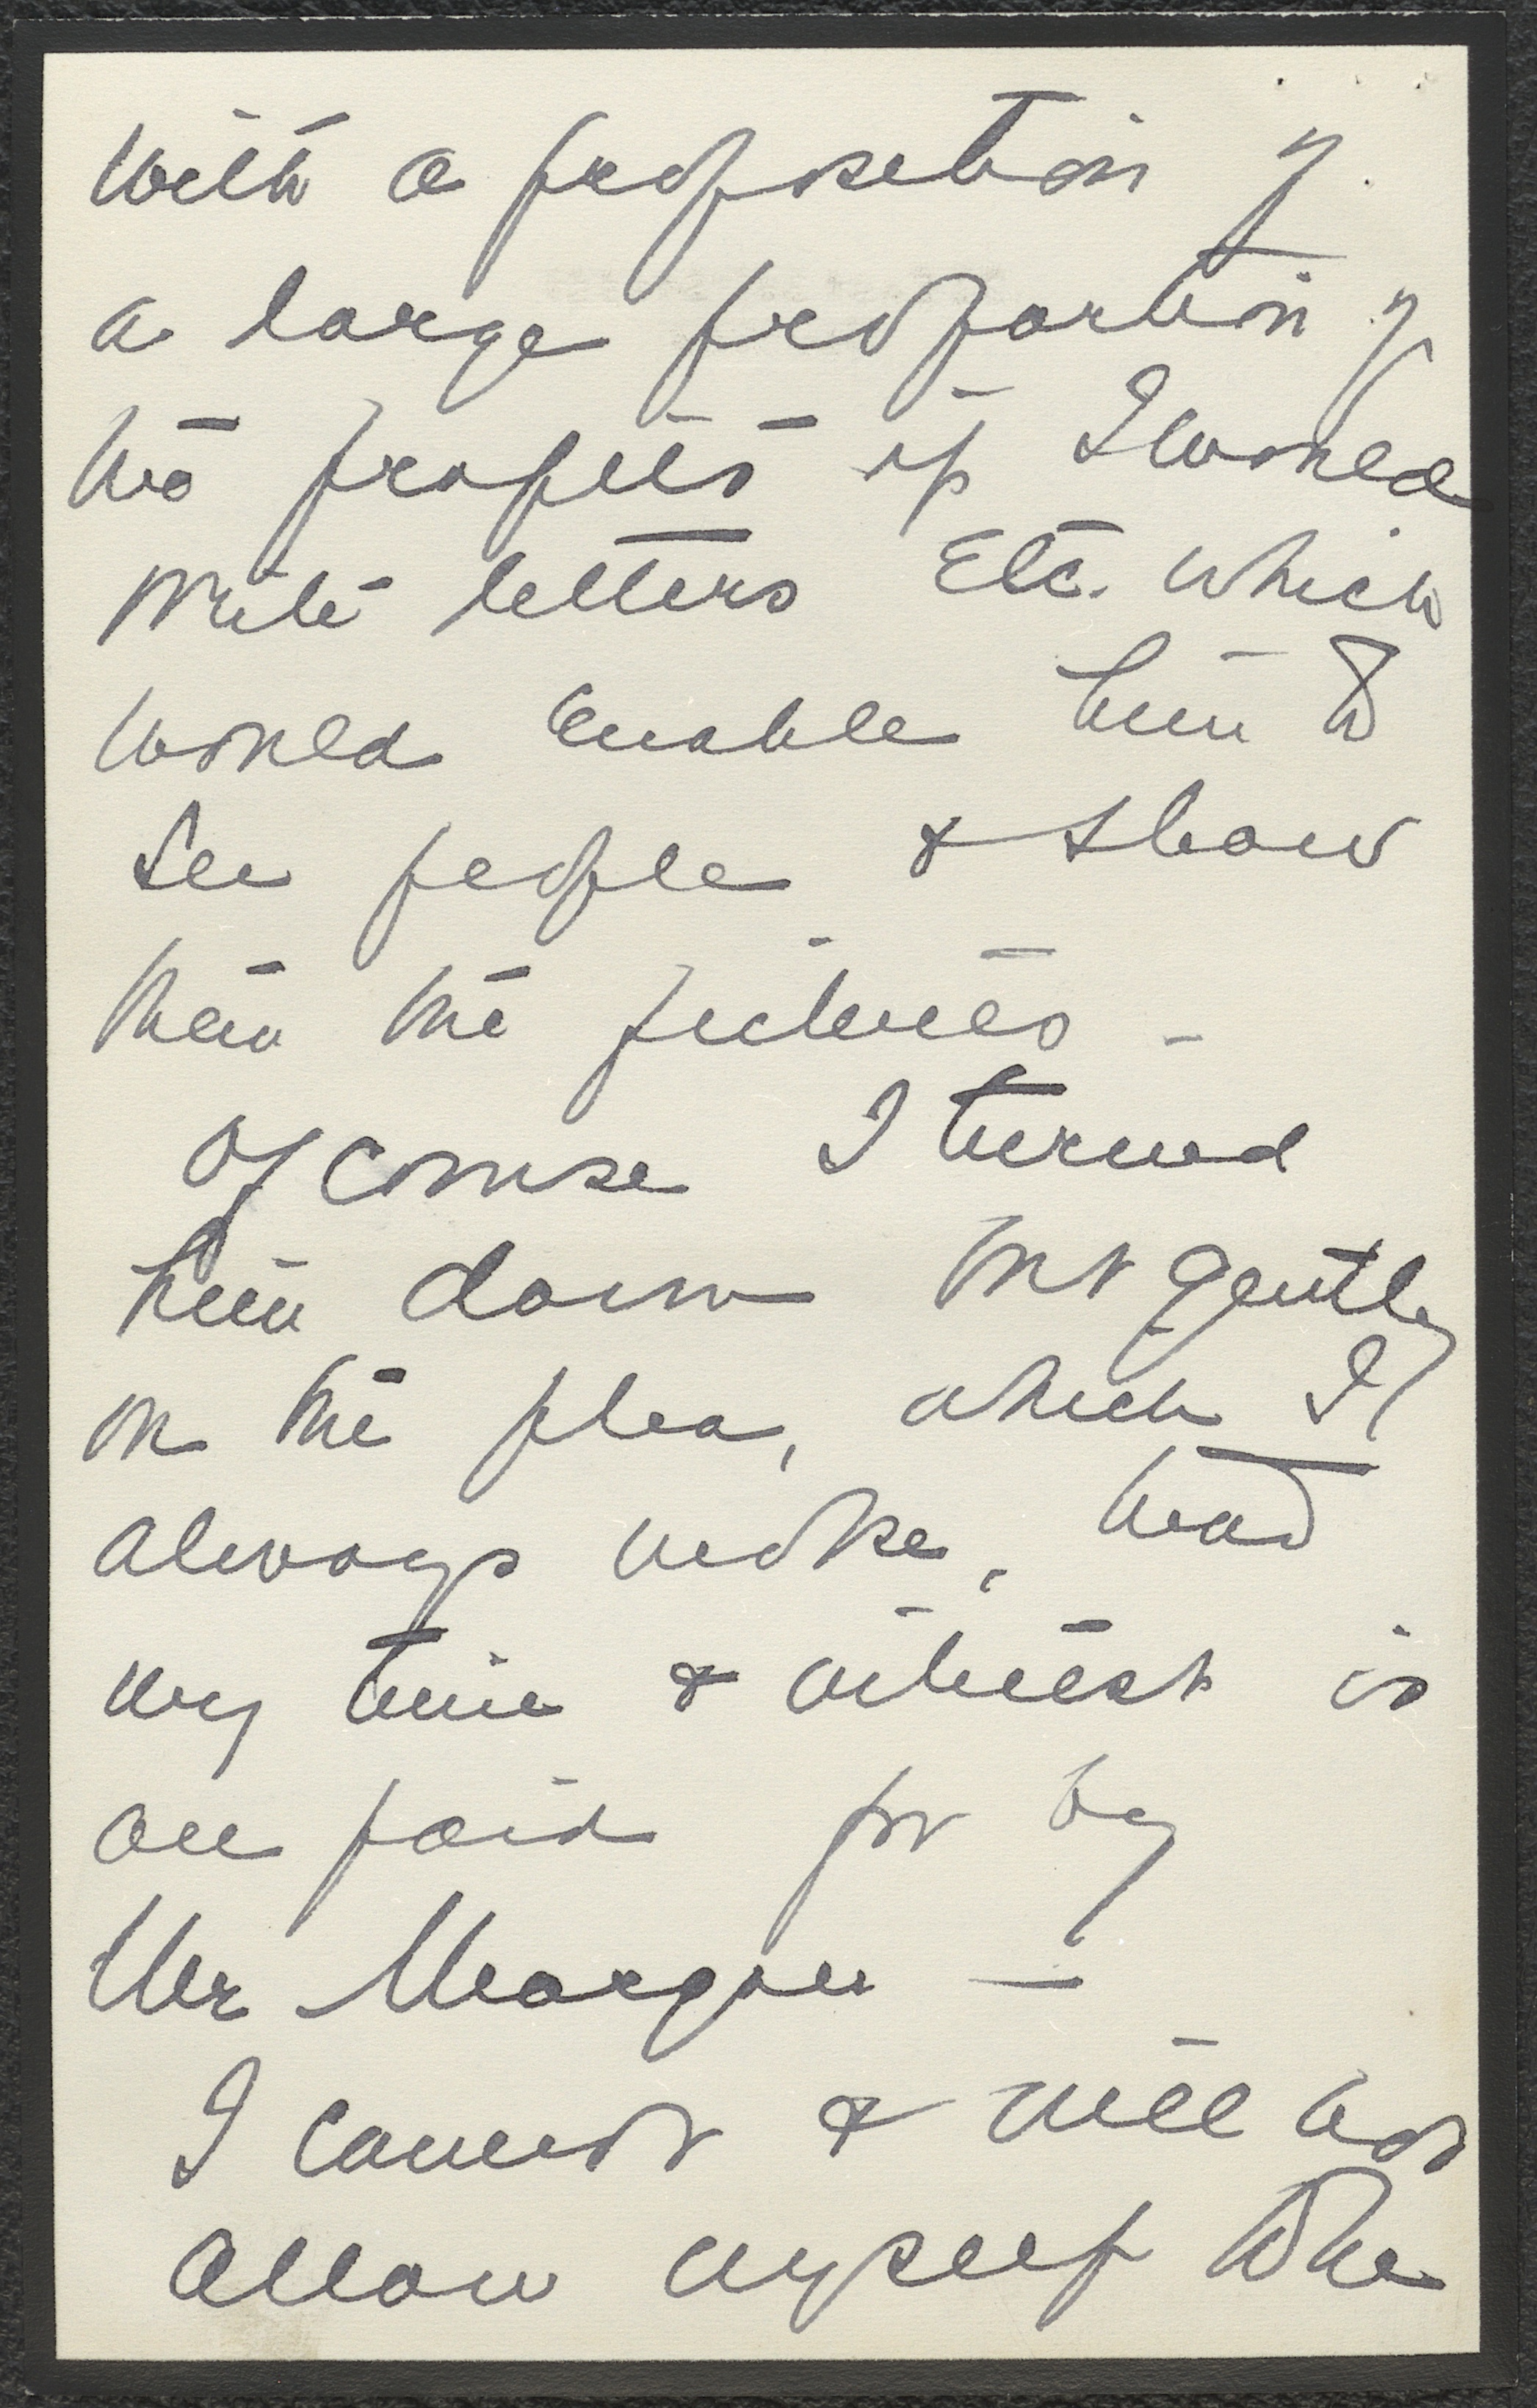with a proposition of a large proportion of the profits if I would write letters etc. which would enable him to see people & show them the pictures –
Of course I turned him down but gently on the plea, which I always make, that my time & interest is all paid for by Mr Morgan –
I cannot & will not allow myself to become